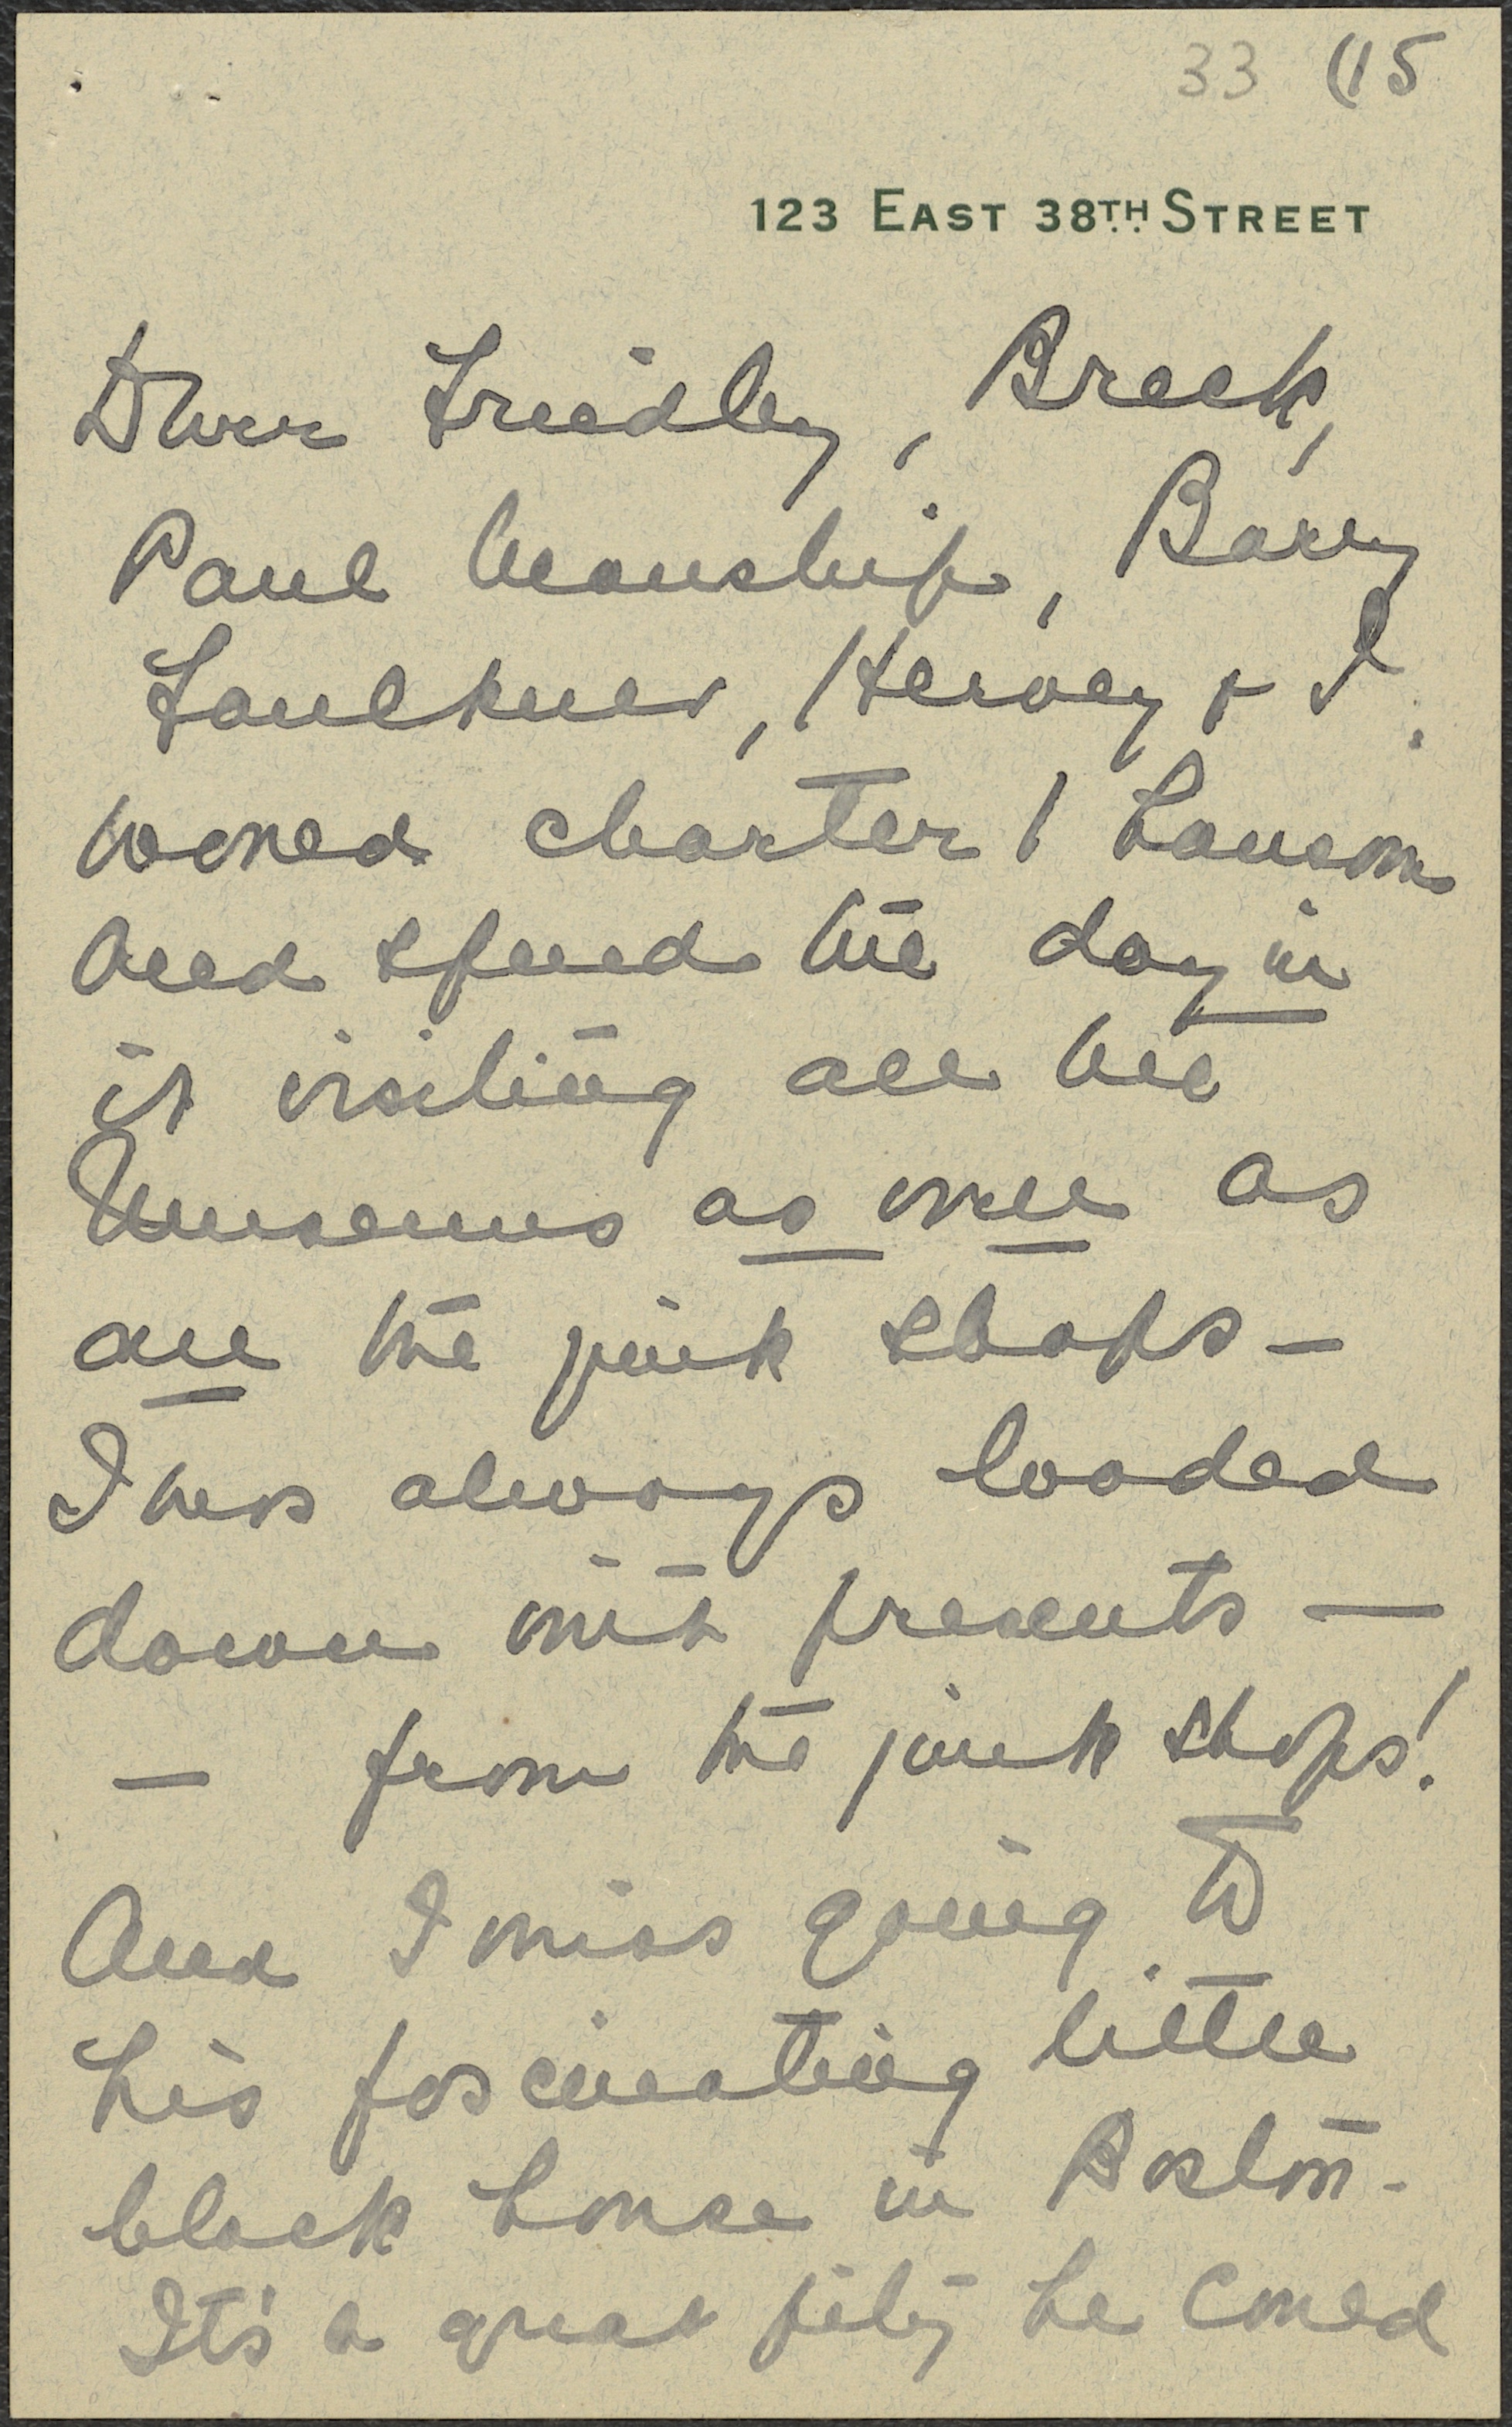Durr Friedley, Breck, Paul Manship, Barry Faulkner, Hervey & I would charter 1 hansom and spend the day in it visiting all the Museums as well as all the junk shops – I was always loaded down with presents –
– from the junk shops!
And I miss going to his fascinating little black house in Boston – It's a great pity he could